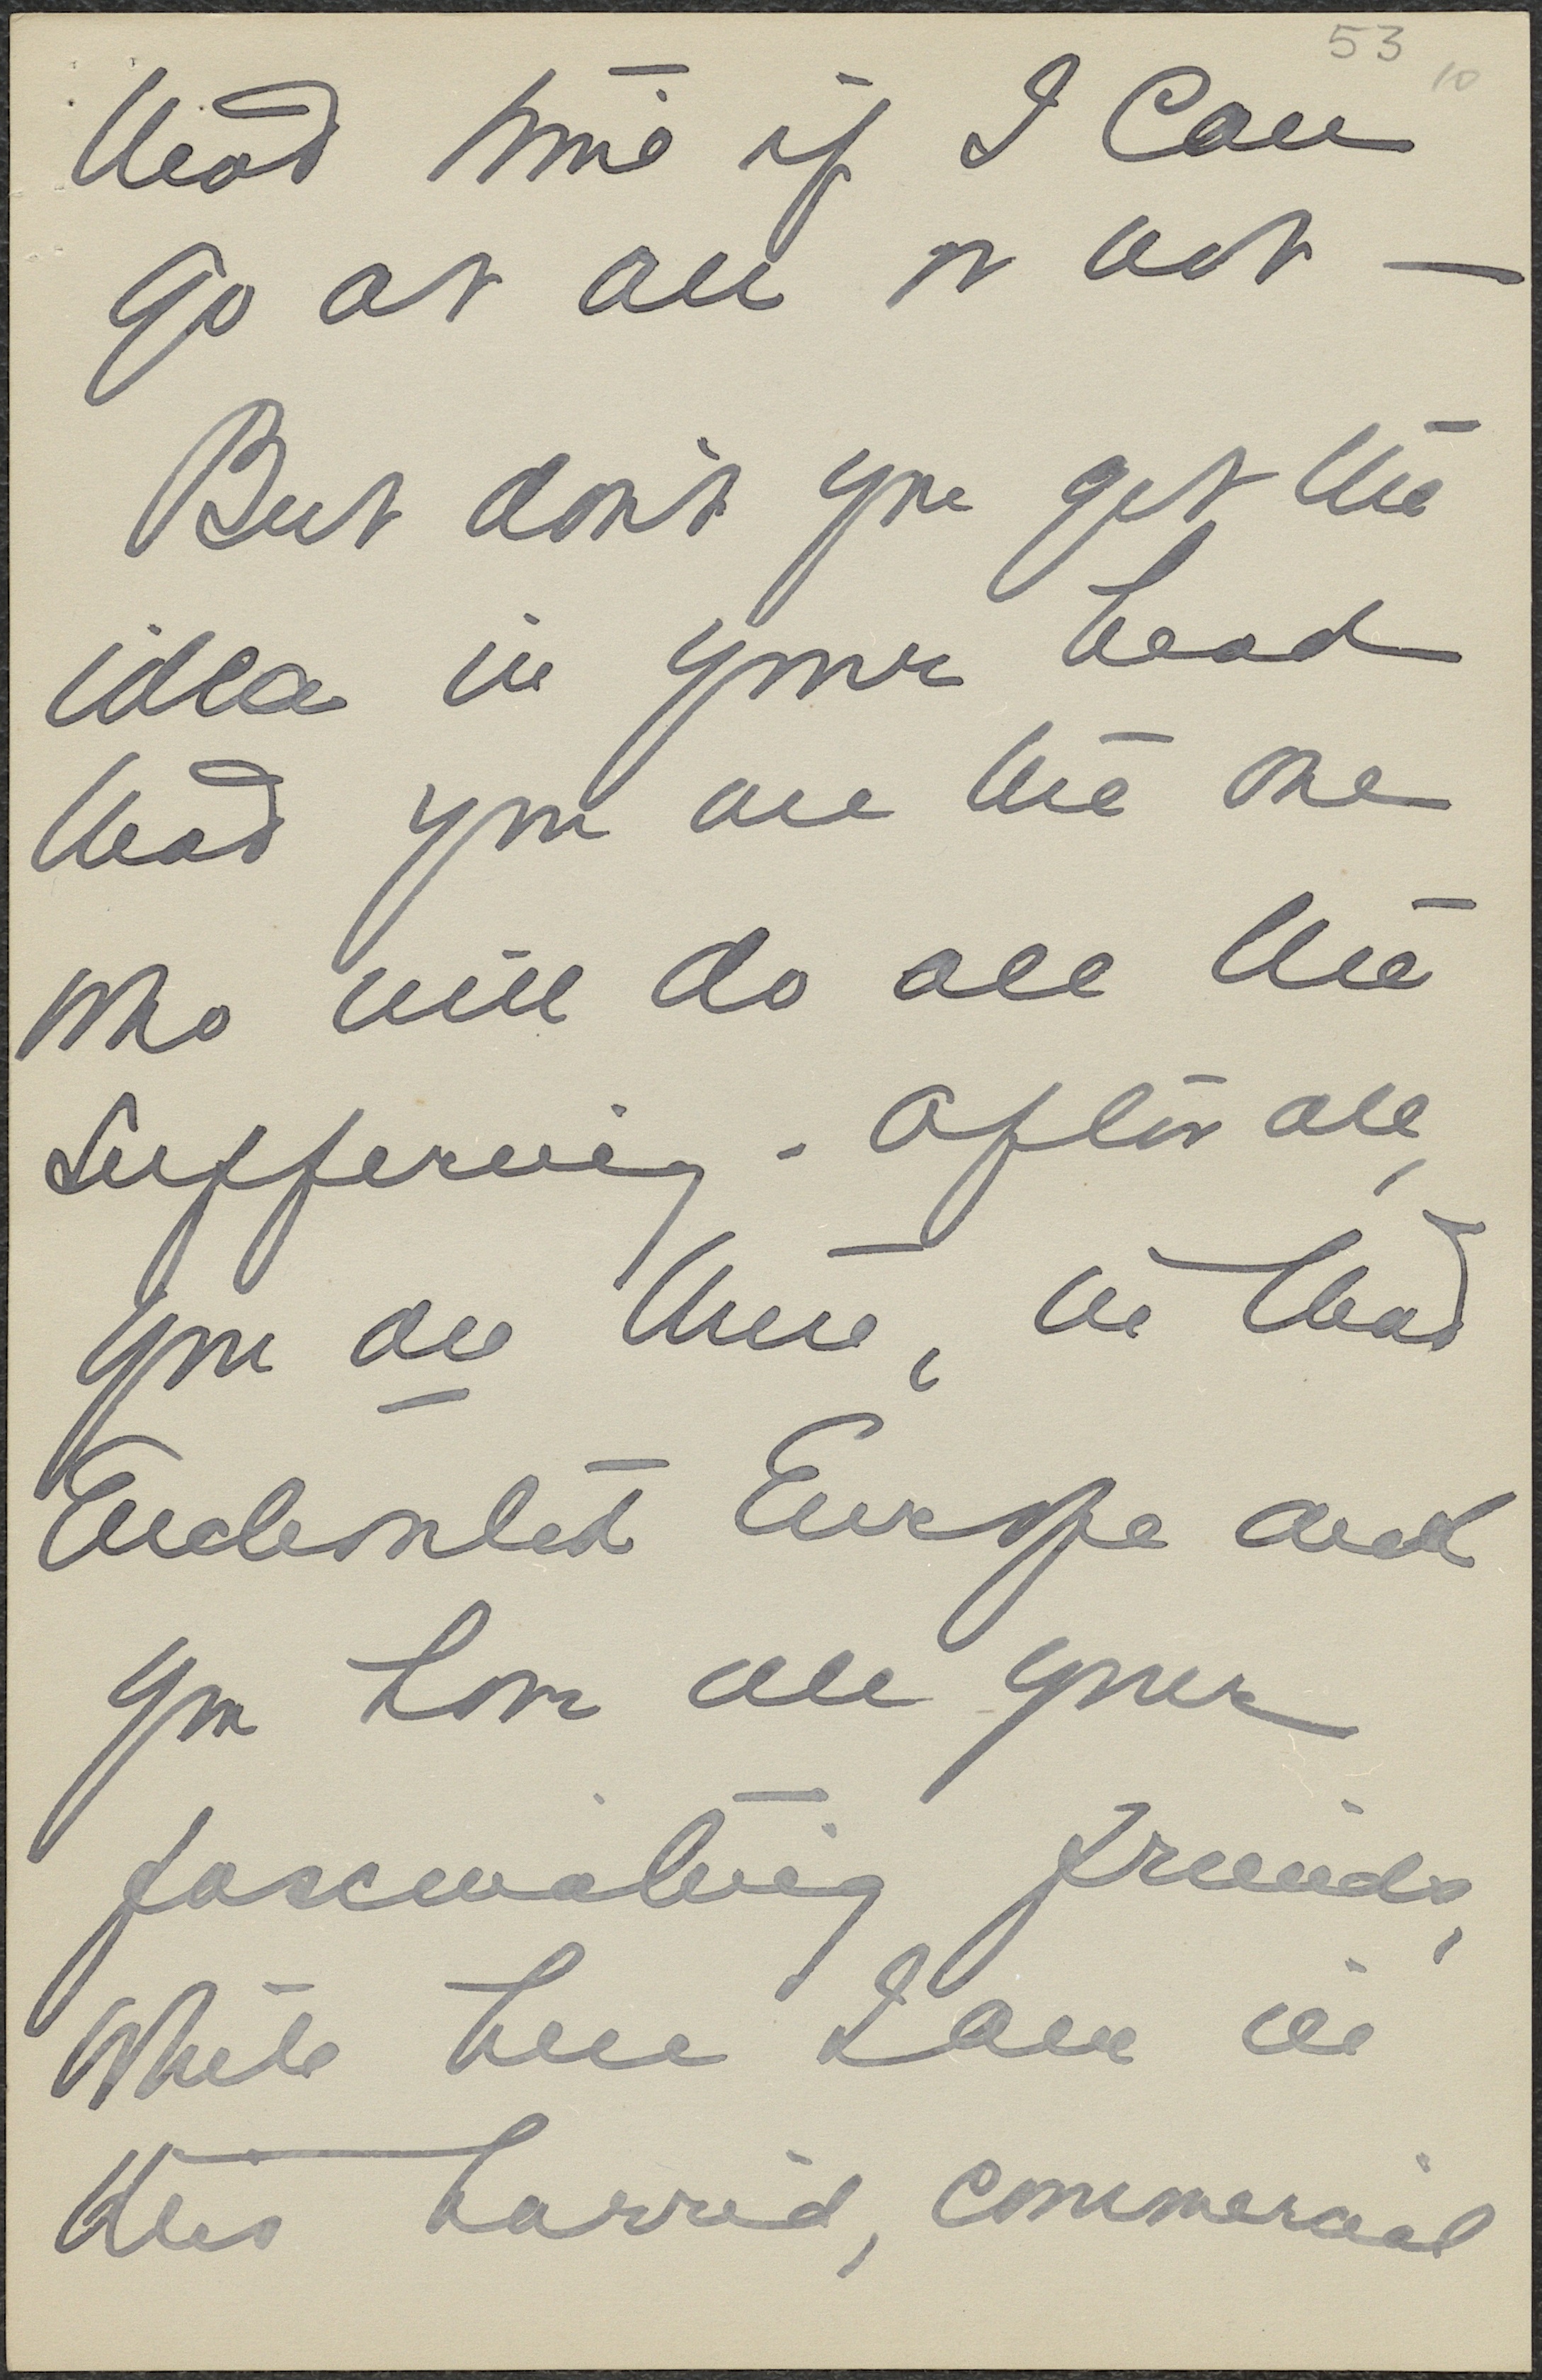that time if I can go at all or not – But don’t you get the idea in your head that you are the one who will do all the suffering – after all, you are there, in that enchanted Europe and you have all your fascinating friends, while here I am in this horrid, commercial